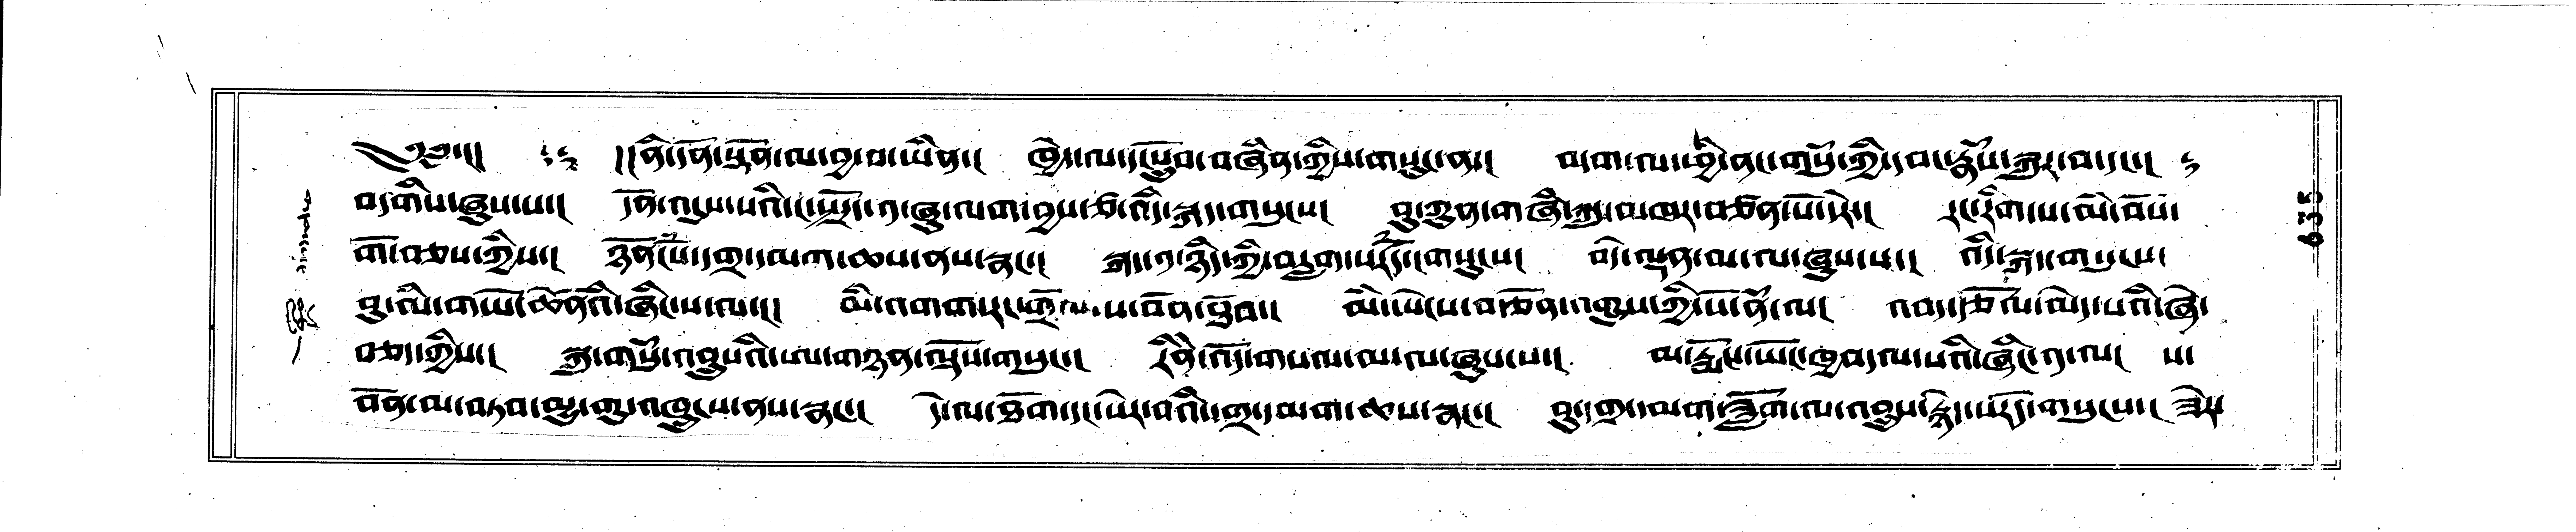ནི་དོན་སྟོན་མ་བྱ་བ་ཡིན། ཁྱེད་ལ་དངོས་གྲུབ་བཞིན་གྱིས་གསུངས་ནས་བདག་ལ་ཕྱི་ནང་གསང་གསུམ་གྱི་དབང་རྣམས་བསྐུར་བ་དང་། 
བདག་གིས་ཞུས་པ། དོན་འདུས་པའི་ངོ་སྤྲོད་གཅིག་ཞུས་ལགས་བྱས། འདི་སྐད་གསུངས། བུ་ཀུན་གཞིའི་སྐུ་མཁར་བརྩན་པོ་དེར། རང་གིས་མི་ཕོས
་གོས་བཅས་གྱིས། ཉོན་མོངས་ཀྱི་དགྲ་དམགས་ཆས་ནས་སྣང་། སྐད་གཅིག་ཉིད་ཀྱི་བརླག་པར་མཛོད་གསུངས། འོད་གསལ་བདེ་ལྡན་མས་ འདི་སྐད་གསུངས། 
བུ་མི་གཡོ་ཆེན་པོའི་ཞིང་ས་ལ། མི་གྷག་(འགག)་རང་གྲོལ་ས་བོན་ཐོབ། མི་ཡེང་བརྩོན་འགྲུས་ཀྱི་སོ་ནམ་ལ། འབད་རྩོལ་མེད་པའི་ཞེ་
བཅད་གྱིས། སྐུ་གསུམ་གྱི་འབྲས་བུ་ཨེ་སྦྱིན་ལྟོས་གསུངས། རིན་ཆེན་དོན་གསལ་མ་ལ་ཞུས་པ། མ་མོས་ཡོང་ཁྱབ་བདལ་པའི་ཞིང་གཅིག་ལ། ས་
བོན་མ་བཏབ་མྱུ་གུ་འཁྲུངས་ནས་སྣང་། དེ་ལ་ཐོག་དང་སེར་བའི་དགྲ་དམགས་ཆས་ནས་སྣང་། བུ་དགྲ་དམགས་ཟློག་ལ་འབྲས་བུ་སྨིན་པར་མཛོད་གསུངས། ཟེར་